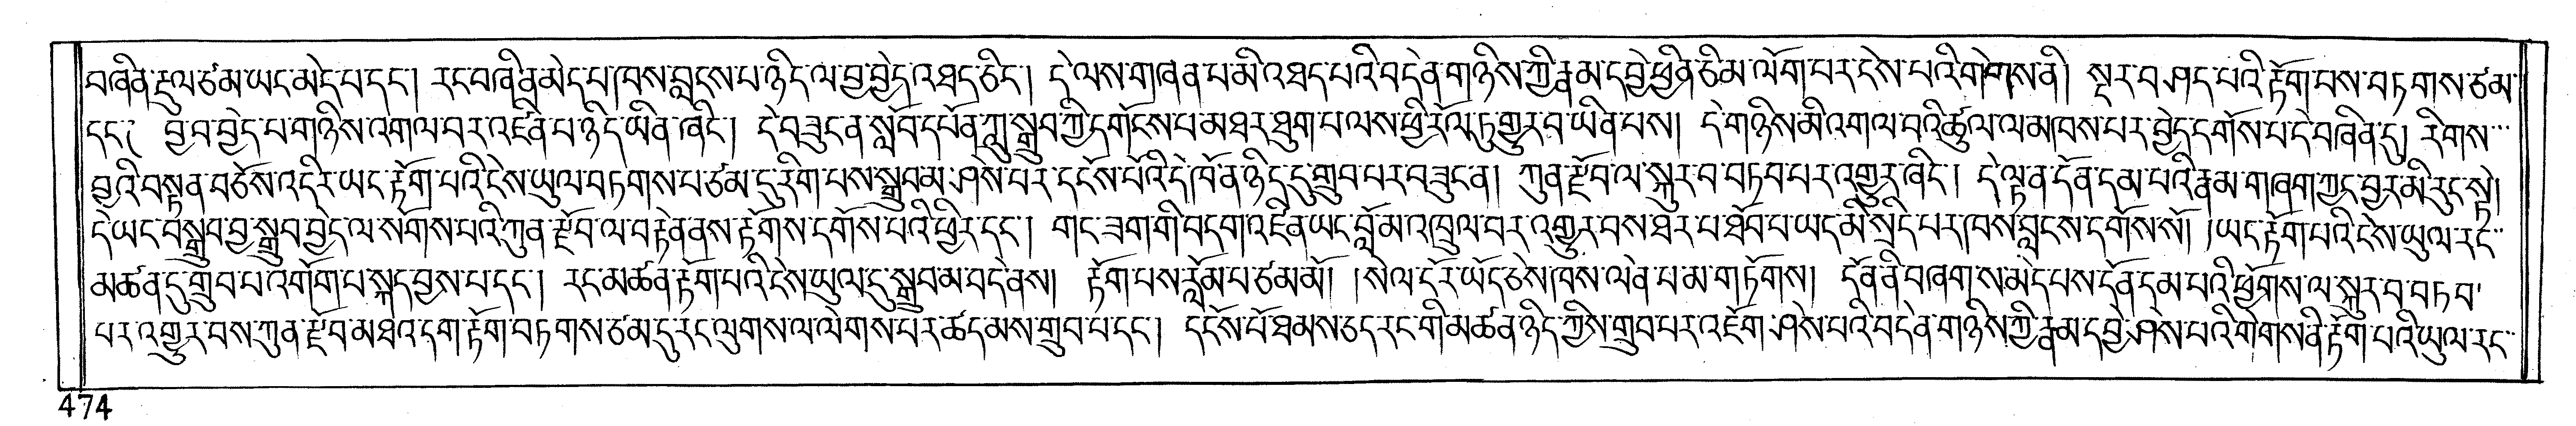བཞིན་རྡུལ་ཙམ་ཡང་མེད་པ་དང་། རང་བཞིན་མེད་པ་ཁས་བླངས་པ་ཉིད་ལ་བྱ་བྱེད་འཐད་ཅིང་། དེ་ལས་གཞན་པ་མི་འཐད་པའི་བདེན་གཉིས་ཀྱི་རྣམ་དབྱེ་ཕྱིན་ཅི་མ་ལོག་པར་ངེས་པའི་གེགས་ནི། སྔར་བཤད་པའི་རྟོག་པས་བཏགས་ཙམ་
དང༑ བྱ་བ་བྱེད་པ་གཉིས་འགལ་བར་འཛིན་པ་ཉིད་ཡིན་ཞིང་། དེ་བཟུང་ན་སློབ་དཔོན་ཀླུ་སྒྲུབ་ཀྱི་དགོངས་པ་མཐར་ཐུག་པ་ལས་ཕྱི་རོལ་ཏུ་གྱུར་པ་ཡིན་པས། དེ་གཉིས་མི་འགལ་བའི་ཚུལ་ལ་མཁས་པར་བྱེད་དགོས་པ་དེ་བཞིན་དུ། རིགས་
པའི་བསྟན་བཅོས་འདིར་ཡང་རྟོག་པའི་ངེས་ཡུལ་བཏགས་པ་ཙམ་དུ་རིག་པས་སྒྲུབ་མ་ཤེས་པར་དངོས་པོའི་དེ་ཁོ་ན་ཉིད་དུ་གྲུབ་པར་བཟུང་ན། ཀུན་རྫོབ་ལ་སྐུར་བ་བཏབ་པར་འགྱུར་ཞིང་། དེ་ལྟ་ན་དོན་དམ་པའི་རྣམ་གཞག་ཀྱང་བྱར་མི་རུང་སྟེ།
དེ་ཡང་བསྒྲུབ་བྱ་སྒྲུབ་བྱེད་ལ་སོགས་པའི་ཀུན་རྫོབ་ལ་བརྟེན་ནས་རྟོགས་དགོས་པའི་ཕྱིར་དང་། གང་ཟག་གི་བདག་འཛིན་ཡང་བློ་མ་འཁྲུལ་བར་འགྱུར་བས་ཐར་པ་ཐོབ་པ་ཡང་མི་སྲིད་པར་ཁས་བླངས་དགོས་སོ། །ཡང་རྟོག་པའི་ངེས་ཡུལ་རང་
མཚན་དུ་གྲུབ་པ་འགོག་པ་སྐད་བྱས་པ་དང་། རང་མཚན་རྟོག་པའི་ངེས་ཡུལ་དུ་སྒྲུབ་མ་བདེ་ནས། རྟོག་པས་རློམ་པ་ཙམ་མོ། །སེལ་ངོར་ཡོད་ཅེས་ཁས་ལེན་བ་མ་གཏོགས། དོན་ནི་བཞག་ས་མེད་པས་དོན་དམ་པའི་ཕྱོགས་ལ་སྐུར་པ་བཏབ་
པར་འགྱུར་བས་ཀུན་རྫོབ་མཐའ་དག་རྟོག་བཏགས་ཙམ་དུ་རང་ལུགས་ལ་ལེགས་པར་ཚད་མས་གྲུབ་པ་དང་། དངོས་པོ་ཐམས་ཅད་རང་གི་མཚན་ཉིད་ཀྱིས་གྲུབ་པར་འཇོག་ཤེས་པའི་བདེན་གཉིས་ཀྱི་རྣམ་དབྱེ་ཤེས་པའི་གེགས་ནི་རྟོག་པའི་ཡུལ་རང་